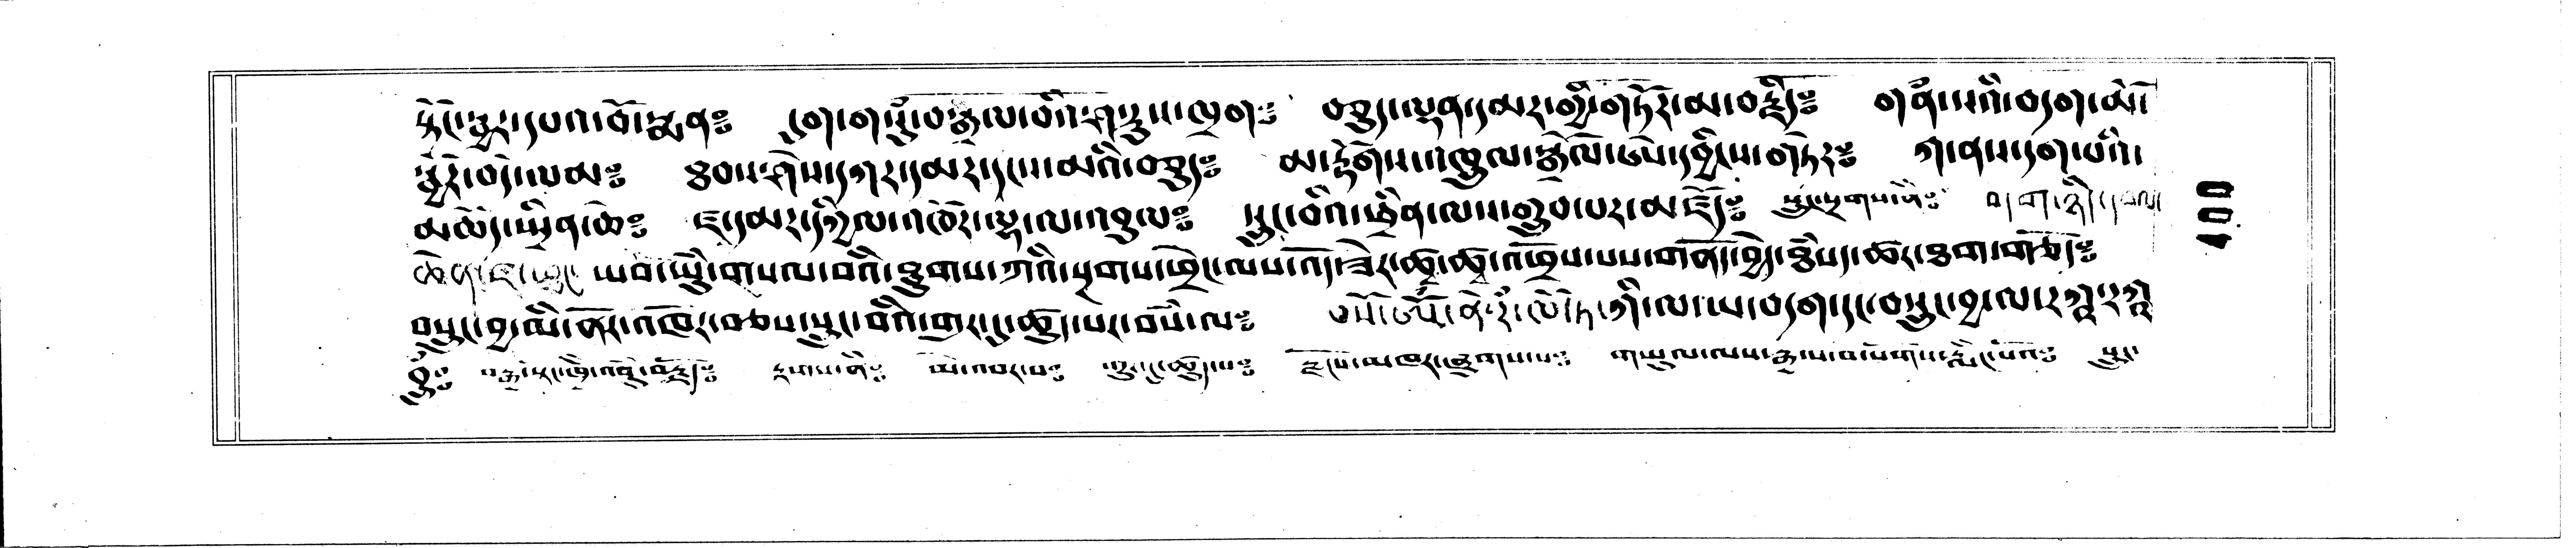སྟོང་སྦྱར་དཔའ་བོ་སྨན༔ དུག་གསུམ་བསྒྲལ་བའི་ཤ་རུས་ཁྲག༔ བཅུད་ལྡན་དམར་གྱི་གཏོར་མ་བརྗིད༔ གནམ་སའི་བདག་མོ་
སྦྱོར་བདེ་ལམ༔ ཐབས་ཤེས་དཀར་དམར་དངས་མའི་བཅུད༔ མ་རྟོགས་འཁྲུལ་སྒྲོལ་ཨེ་དབྱིངས་གཏེར༔ ཀ་ནས་དག་པའི་
མཆོད་སྤྲིན་ཆེ༔ ཛ་དམར་དཀྱིལ་འཁོར་ལྷ་ལ་འབུལ༔ སྲུང་བའི་ཕྲིན་ལས་གྲུབ་པར་མཛོད༔ སྲུང་སྔགས་ནི༔ བདག་ཉིད་དབལ་
ཆེན་ཛྭ་ཕུར་ཡབ་ཡུམ་གསལ་བའི་ཐུགས་ཀའི་སྔགས་ཕྲེང་ལས་འོད་ཟེར་ཚྭ་ཚྭ་འཕྲོས་པས་གནོད་བྱེད་ཐམས་ཅད་ཚར་ཐག་གཅོད༔ 
བསྲུང་བྱ་མི་ནོར་འཁོར་བཅས་སྲུང་བའི་གུར་དུ་ཚུད་པར་བསམ་ལ༔ བསོ་ཨོཾ་ནེ་རམ་ཁྲོ་ཏ་ཀི་ལ་ཡ་བདག་དང་བསྲུང་བྱ་ལ་རཀྵ་རཀྵ་
བྲུཾ༔ བརྒྱ་སྟོང་ཁྲི་འབུམ་བརྗོད༔རྟགས་ནི༔ མེ་འབར་བ༔ གུར་དུ་ཚུད་པ༔ རྫོངས་མཁར་ཞུགས་པ༔ གཡུལ་ལས་རྒྱལ་བ་སོགས་རྨི་བའོ༔ སྲུང་